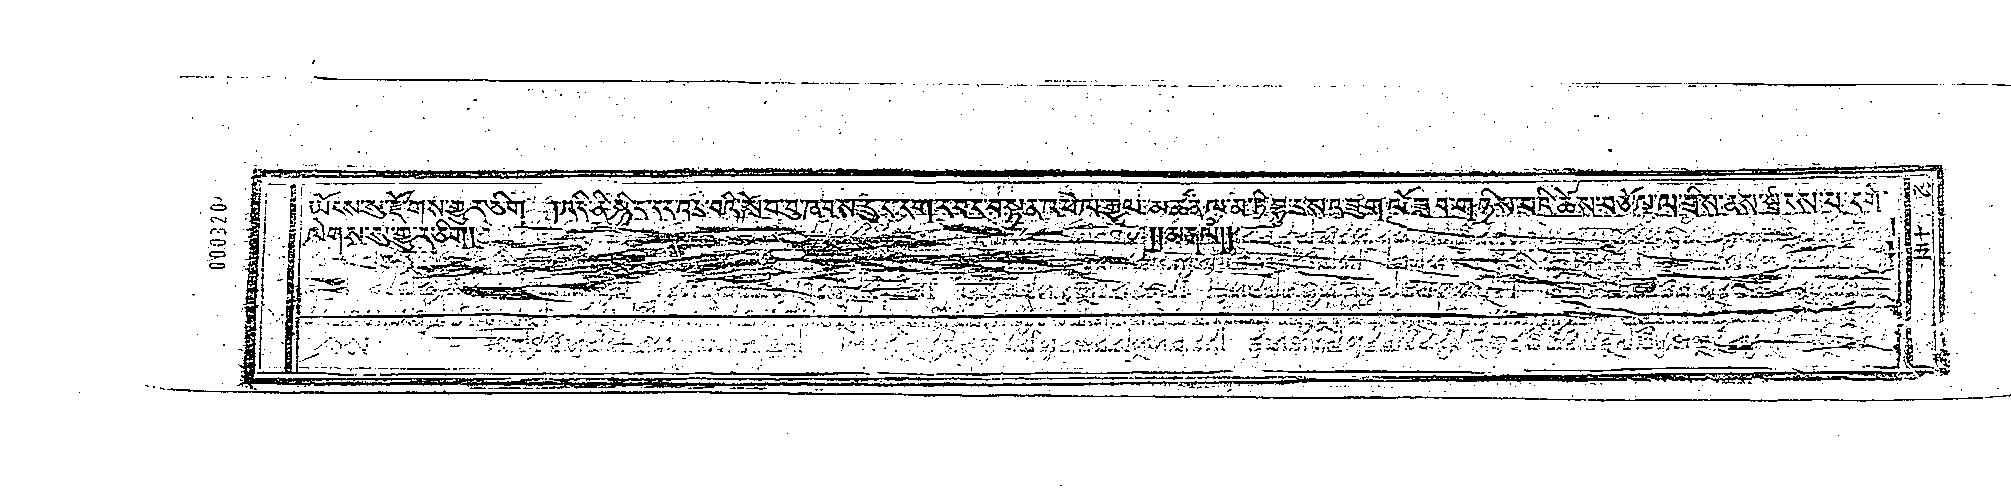ཡོངས་སུ་རྫོགས་གྱུར་ཅིག །འདི་ནི་སྙིང་དང་འདྲ་བའི་སློབ་བུ་ཞབས་དྲུང་ངག་དབང་བསྟན་འཕེལ་རྒྱལ་མཚན་ལ་མ་ཏི་བྷ་དྲས་འབྲུག་ལོ་ཟླ་བ་གཉིས་པའི་ཚེས་བཅོ་ལྔ་ལ་བྲིས་ནས་སྤྲིངས་པ་དགེ་
ལེགས་སུ་གྱུར་ཅིག། །།མངྒ་ལཾ།།